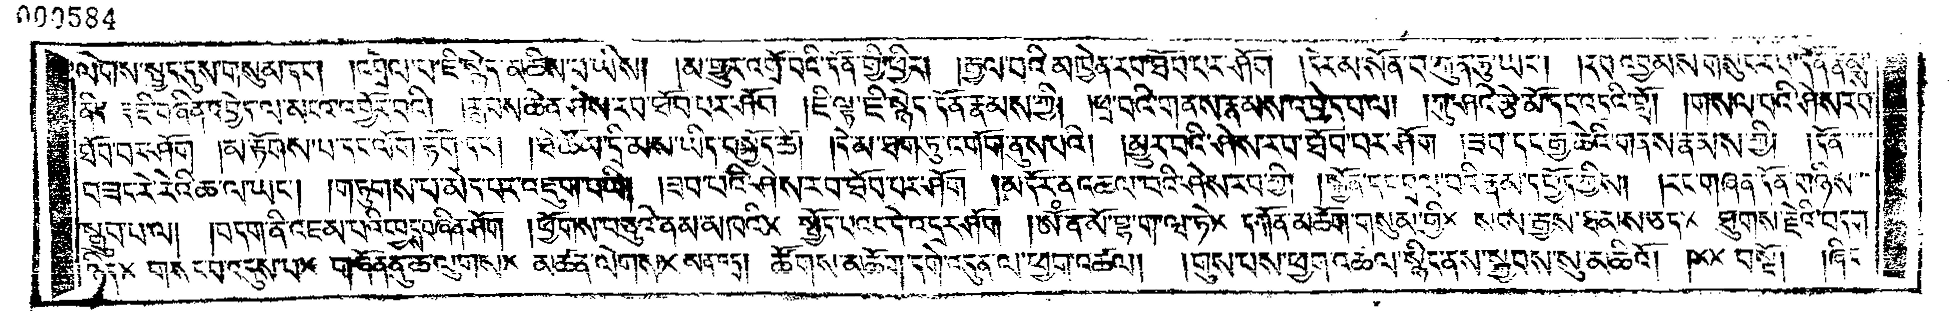ལེགས་སྤྱད་དུས་གསུམ་དང་། །འབྲེལ་པ་ཇི་སྙེད་མཆིས་པ་ཡིས། །མ་གྱུར་འགྲོ་བའི་དོན་གྱི་ཕྱིར། །རྒྱལ་བའི་མཁྱེན་རབ་ཐོབ་པར་ཤོག །དེར་མ་སོན་པ་ཀུན་ཏུ་ཡང་། །རབ་འབྱམས་གསུང་རབ་དོན་རྣམས་
ནི༑ ༑ཇི་བཞིན་འབྱེད་ལ་མངའ་འབྱོར་བའི། །རླབས་ཆེན་ཤེས་རབ་ཐོབ་པར་ཤོག །ཇི་ལྟ་ཇི་སྙེད་དོན་རྣམས་ཀྱི། །ཕྲ་བའི་གནས་རྣམས་འབྱེད་པ་ལ། །ཀུ་ཤའི་རྩེ་མོ་དང་འདྲའི་བློ། །གསལ་བའི་ཤེས་རབ་
ཐོབ་པར་ཤོག །མ་རྟོགས་པ་དང་ལོག་རྟོག་དང་། །ཐེ་ཚོམ་དྲི་མས་ཡིད་བསྐྱོད་ཚེ། །དེ་མ་ཐག་ཏུ་འགོག་ནུས་པའི། །མྱུར་བའི་ཤེས་རབ་ཐོབ་པར་ཤོག །ཟབ་དང་རྒྱ་ཆེའི་གནས་རྣམས་ཀྱི། །དོན་
བཟང་རེ་རེའི་ཆ་ལ་ཡང་། །གཏུགས་པ་མེད་པར་འཇུག་པ་ཡི། །ཟབ་པའི་ཤེས་རབ་ཐོབ་པར་ཤོག །མདོར་ན་འཆལ་བའི་ཤེས་རབ་ཀྱི། །སྐྱོན་དང་བྲལ་བའི་རྣམ་དཔྱོད་ཀྱིས། །རང་གཞན་དོན་གཉིས་
སྒྲུབ་པ་ལ། །བདག་ནི་འཇམ་པའི་དབྱངས་བཞིན་ཤོག །ཕྱོགས་བཅུའི་ནམ་མཁའི་྾་སྤྱོད་པའང་དེ་འདྲར་ཤོག །ཨོཾ་ན་མོ་བྷ་ག་ཝ་ཏེ་྾་དཀོན་མཆོག་གསུམ་གྱི་྾་སངས་རྒྱས་ཐམས་ཅད་྾་ཐུགས་རྗེའི་བདག་
ཉིད་྾་གསང་བ་འདུས་པ་྾་གཞོན་ནུ་ཆ་ལུགས་྾་མཚན་ལེགས་྾་མན་འདྲ།  ཚོགས་མཆོག་དགེ་འདུན་ལ་ཕྱག་འཚལ། །གུས་པས་ཕྱག་འཚལ་སྙིང་ནས་སྐྱབས་སུ་མཆིའོ། །྾་྾་བསྔོ། །ཞིང་